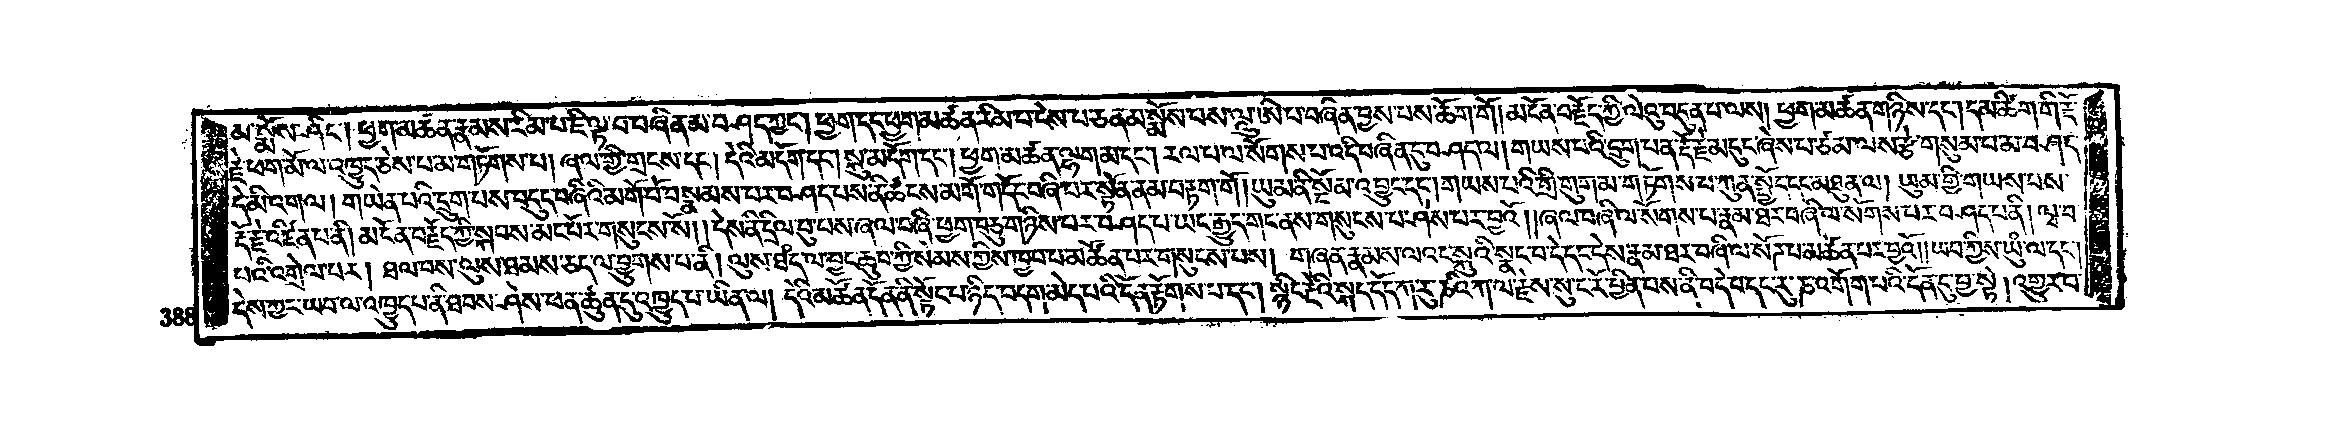མ་སྨོས་ཤིང་། ཕྱག་མཚན་རྣམས་རིམ་པ་ཇི་ལྟ་བ་བཞིན་མ་བཤད་ཀྱང་། ཕྱག་དང་ཕྱག་མཚན་རིམ་པ་ངེས་པ་ཅན་མ་སྨོས་པས་ལཱུ་ཨི་པ་བཞིན་བྱས་པས་ཆོག་གོ །མངོན་བརྗོད་ཀྱི་ལེའུ་བདུན་པ་ལས། ཕྱག་མཚན་གཉིས་དང་། དམ་ཚིག་གི་རྡོ་
རྗེ་ཕག་མོ་ལ་འཁྱུད་ཅེས་པ་མ་གཏོགས་པ། ཞལ་གྱི་གྲངས་དང་། དེའི་མདོག་དང་། སྐུ་མདོག་དང་། ཕྱག་མཚན་ལྷག་མ་དང་། རལ་པ་ལ་སོགས་པ་འདི་བཞིན་དུ་བཤད་ལ། གྱས་པའི་དྲུག་པ་ན་རྡོ་རྗེ་མདུང་ཞེས་པ་ཙམ་ལས་རྩེ་གསུམ་པ་མ་བཤད་
དེ་མི་འགལ། གཡོན་པའི་དྲུག་པས་བདུད་བཞིའི་མགོ་བོ་བསྣམས་པར་བཤད་པས་ནི་ཚངས་མགོ་གདོང་བཞི་པར་སྟོན་ནམ་བརྟག་གོ །ཡུམ་ནི་སྡོམ་འབྱུང་དང་། གྱས་པའི་གྲི་གུག་མ་གཏོགས་པ་ཀུན་སྤྱོད་དང་མཐུན་ལ། ཡུམ་གྱི་གྱས་པས་
རྡོ་རྗེ་འཛིན་པ་ནི། མངོན་བརྗོད་ཀྱི་སྐབས་མང་པོར་གསུངས་སོ། །དེས་ནི་དྲིལ་བུ་པས་ཞལ་བཞི་ཕྱག་བཅུ་གཉིས་པར་བཤད་པ་ཡང་རྒྱུད་གང་ནས་གསུངས་པ་ཤེས་པར་བྱའོ། །ཞལ་བཞི་ལ་སོགས་པ་རྣམ་ཐར་བཞི་ལ་སོགས་པར་བཤད་པ་ནི། ལྭ་བ་
པའི་འགྲེལ་པར། ཐལ་བས་ལུས་ཐམས་ཅད་ལ་ཕྱུགས་པ་ནི། ལུས་ཐམ་ཅད་ལ་བྱང་ཆུབ་ཀྱི་སེམས་ཀྱིས་ཁྱབ་པ་མཚོན་པར་གསུངས་པས། གཞན་རྣམས་ལའང་སྐུའི་སྣང་བ་དེ་དང་དེས་རྣམ་ཐར་བཞི་ལ་སོགས་པ་མཚོན་པར་བྱའོ། །ཡབ་ཀྱིས་ཡུཾ་ལ་དང་།
དེས་ཀྱང་ཡབ་ལ་འཁྱུད་པ་ནི་ཐབས་ཤེས་ཕན་ཚུན་དུ་འཁྱུད་པ་ཡིན་ལ། དེའི་མཚོན་དོན་ནི་སྟོང་པ་ཉིད་བདག་མེད་པའི་དོན་རྟོགས་པ་དང་། སྙིང་རྗེའི་སྐད་དོད་ཀ་རུ་ཎའི་ཀ་ལ་རྗེས་སུ་ང་རོ་ཕྱིན་པས་ནི་བདེ་བ་དང་རུ་ཎ་འགོག་པའི་དོན་དུ་བྱ་སྟེ། འགྱུར་བ་